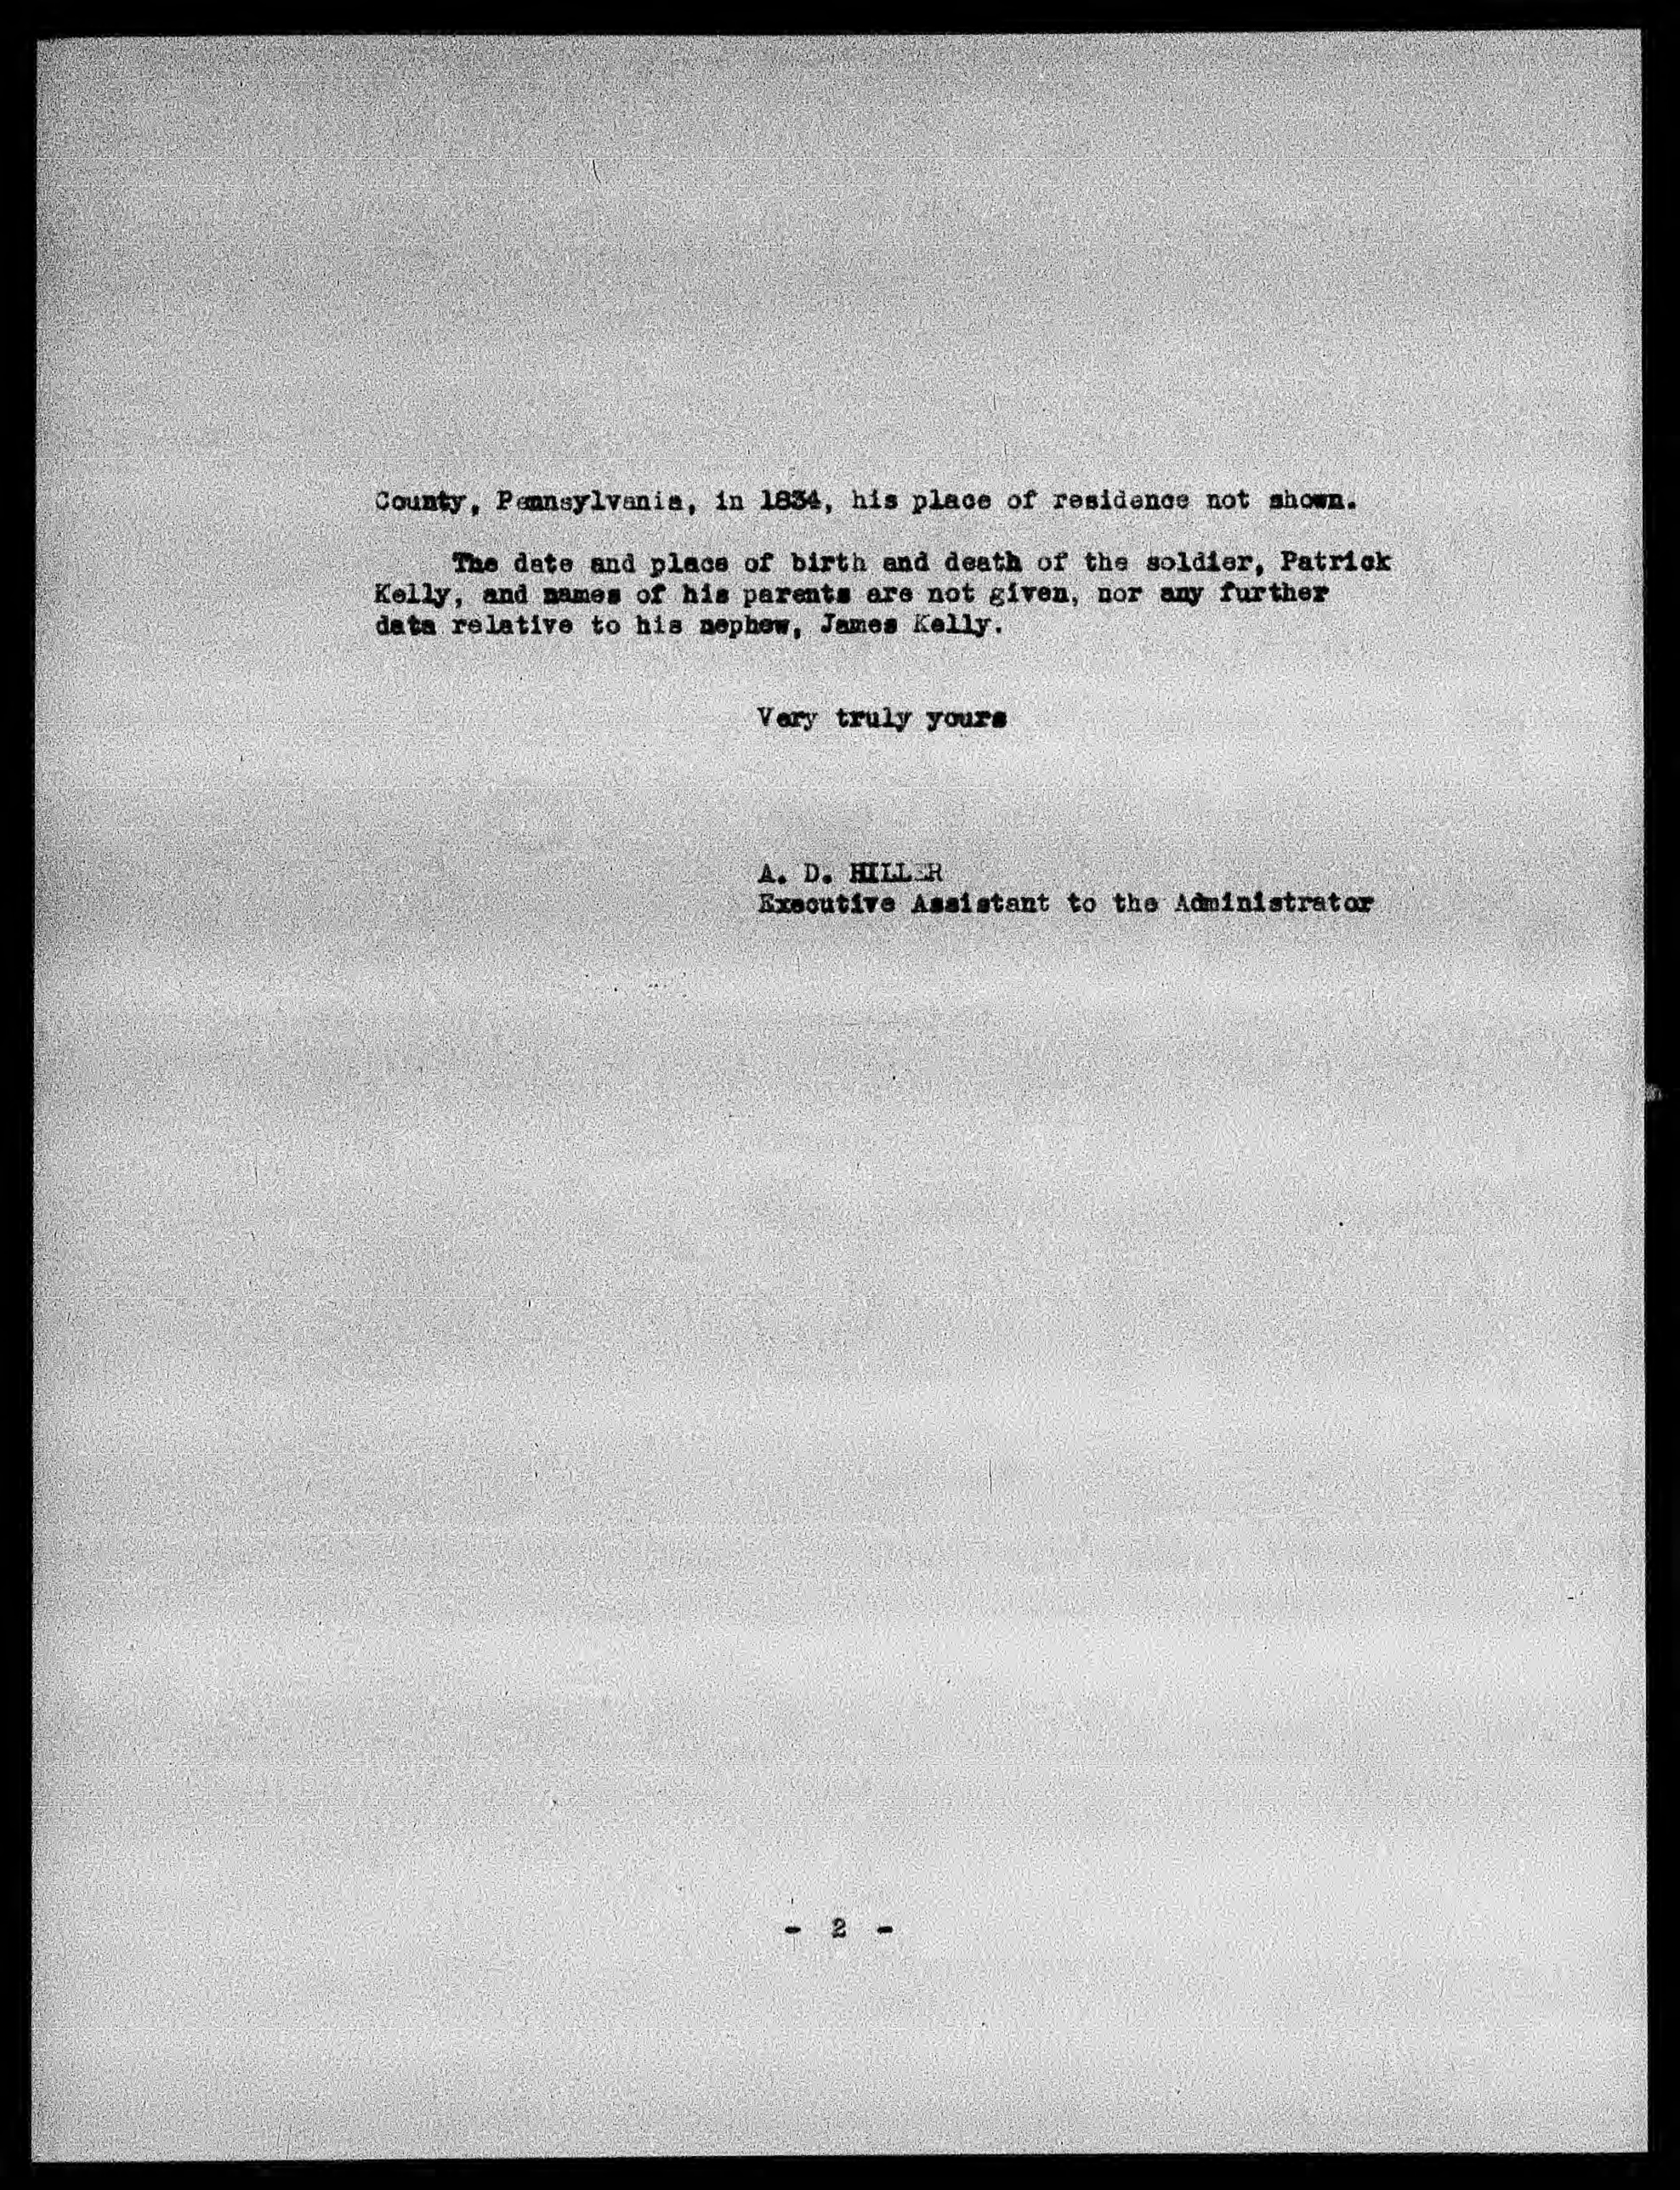County, Pennsylvania, in 1834, his place of residence not shown.
     The date and place of birth and death of the soldier, Patrick Kelly, and names of his parents are not given, nor any further data relative to his nephew. James Kelly.

               Very truly yours

               A.D. HILLER
               Executive Assistant to the Administrator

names: James Kelly; A D Heller; Patrick Kelly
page: 11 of 11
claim: bounty land warrant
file: B. L. Wt. 2110-100, for Patrick Kelly, Pennsylvania